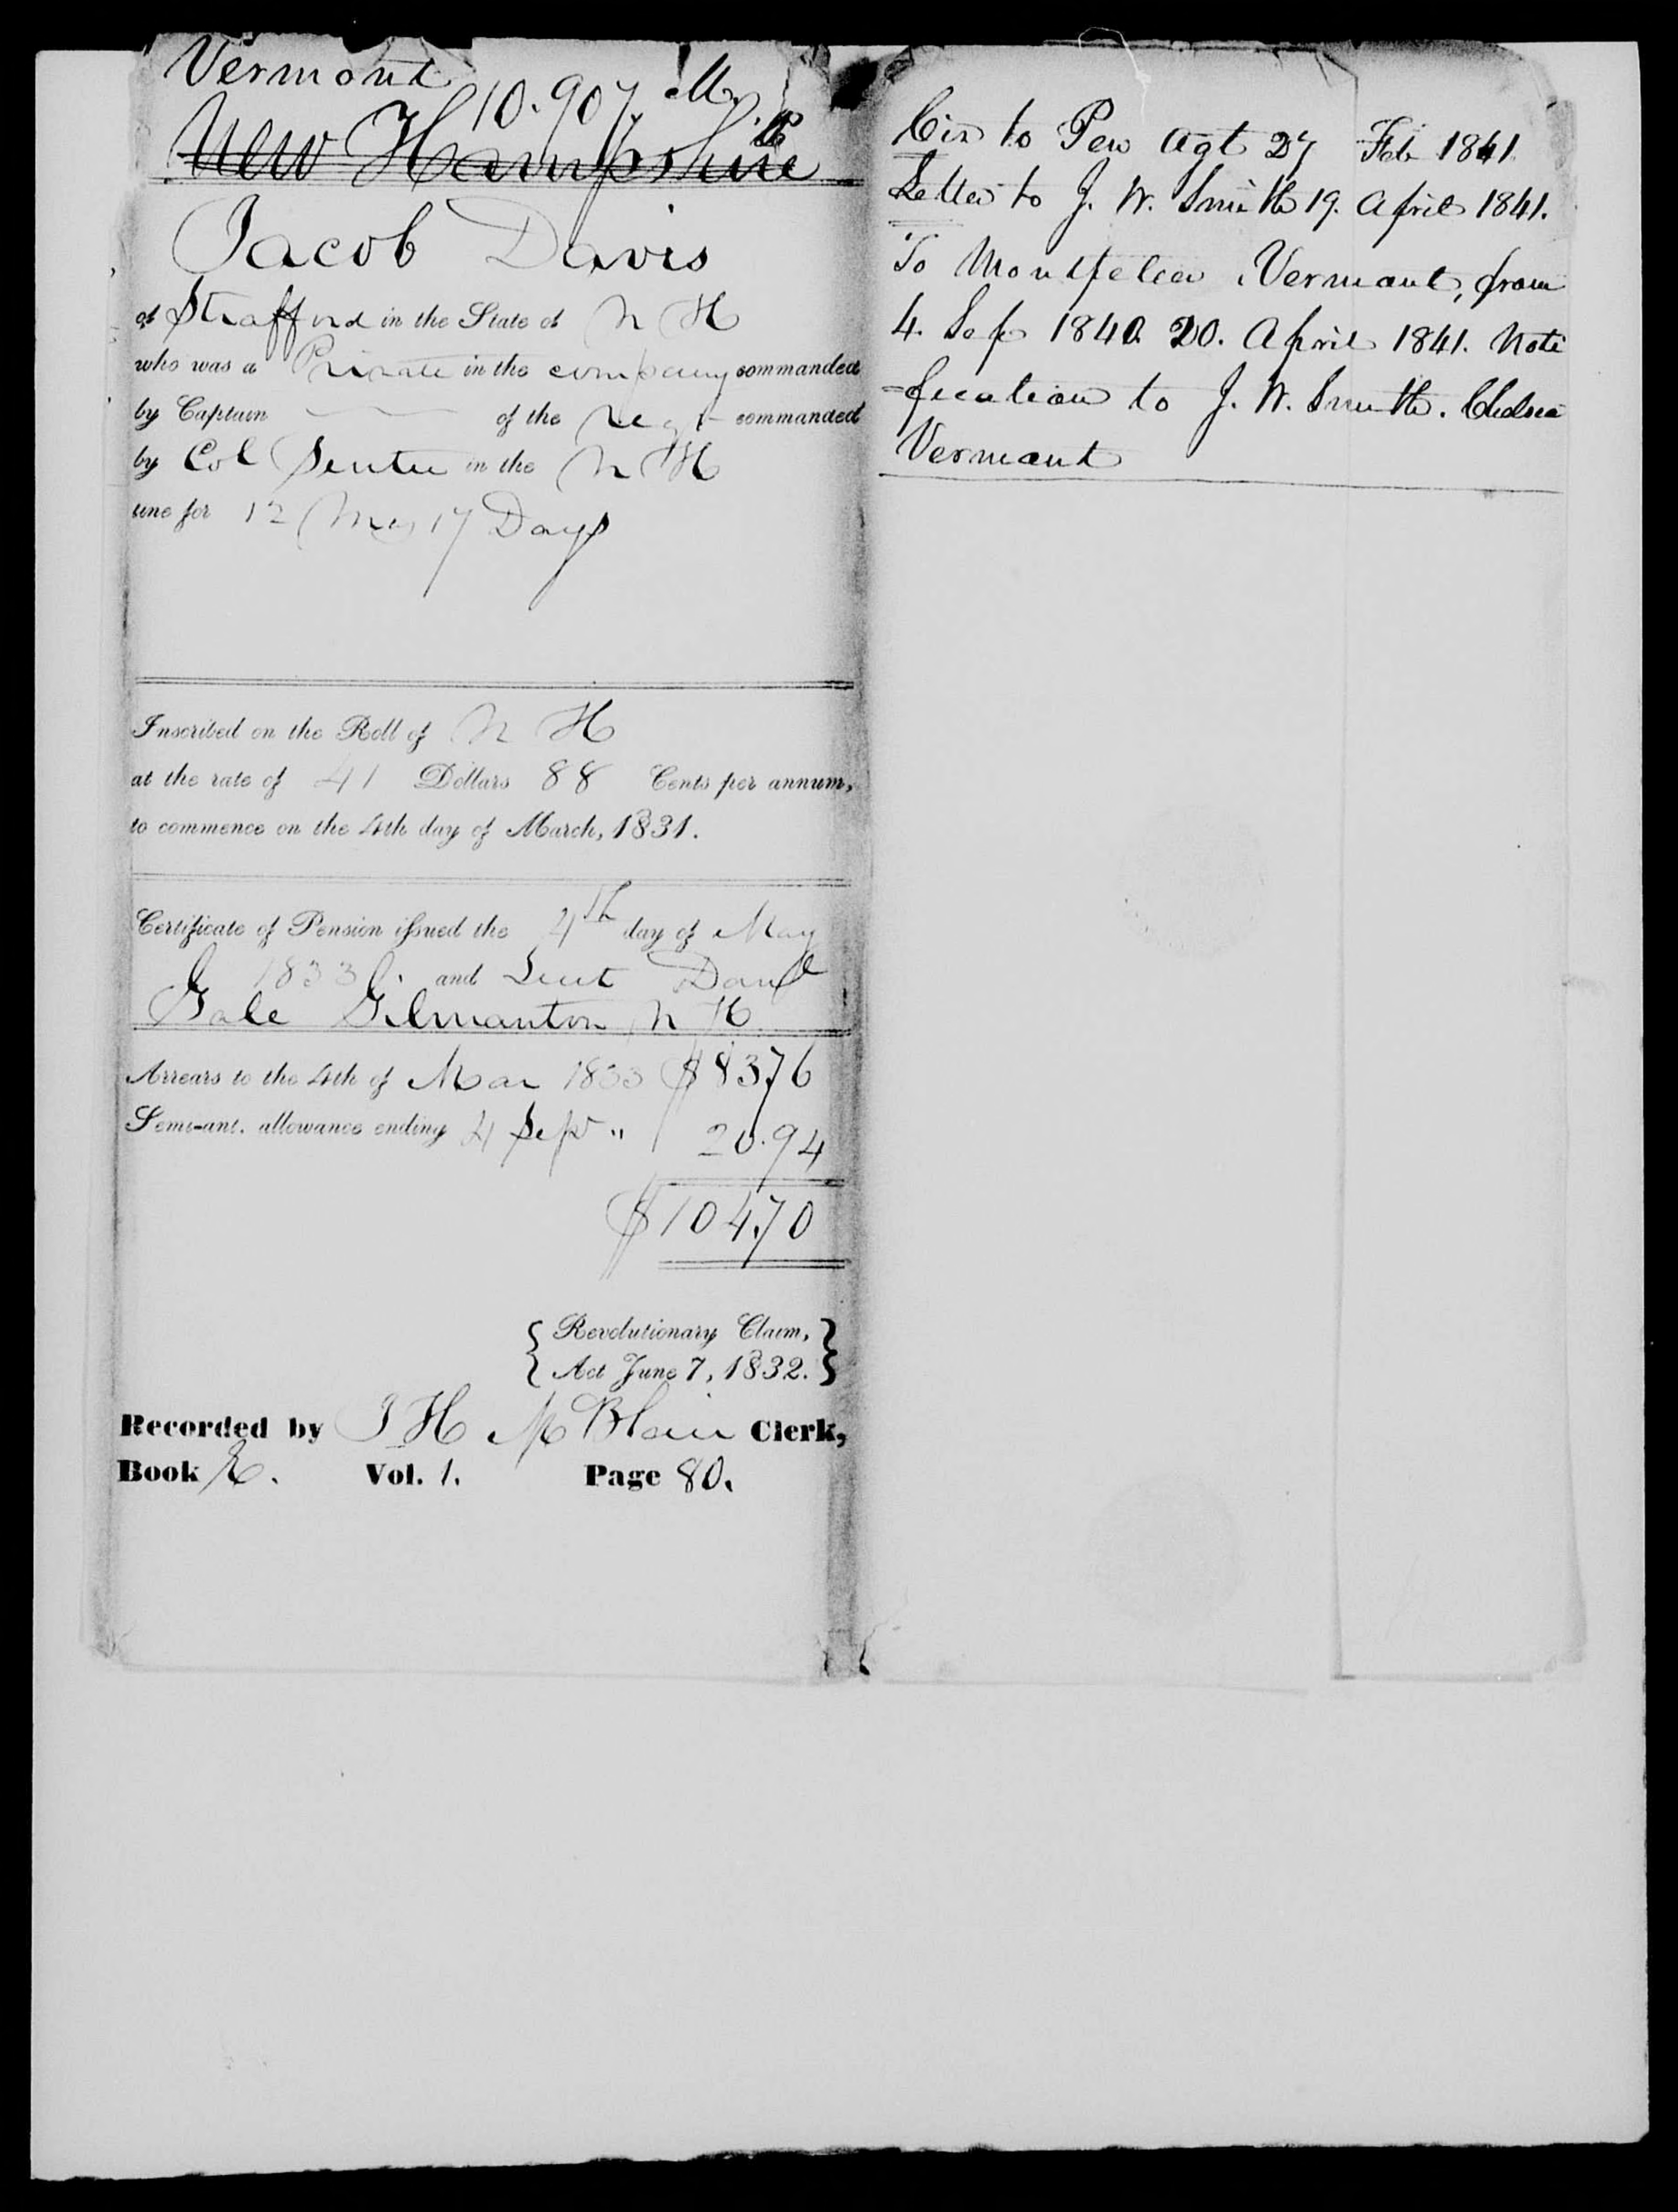Vermont 10.907 M
[crossed out] New Hampshire
Jacob Davis
of Strafford in the State of NH
who was a Private in the company commanded
by Captain [blank] of the Regt commanded
by Col Senter in the NH line for 12 mos 17 days
Inscribed on the Roll of N H at the rate of 41 Dollars 88 Cents per annum, to commence on the 4th day of March, 1831.
Certificate of Pension issued the 4th day of May 1833 and sent Danl Gale Gilmanton N H
Arrears to the 4th of Mar 1833 $83.76
Semi-anl. allowance ending 4 Sept " 20.94 ┃
[Total] $104.70
Revolutionary Claim,
Act June 7, 1832.
Recorded by J H McBlair Clerk,
Book E. Vol 1. Page 80.
[right side]
Cir to Pen Agt 27 Feb 1841
Letter to J. W. Smith 19 April 1841.
To Montpelier, Vermont from
4 Sep 1840 20. April 1841. Notification to J. W. Smith, Chelsea Vermont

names: J W Smith, Senter, Danl Gale, Jacob Davis, J W Smith, J H Mc Blair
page: 2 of 47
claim: widow's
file: W. 24043, Jacob Davis, N.H.